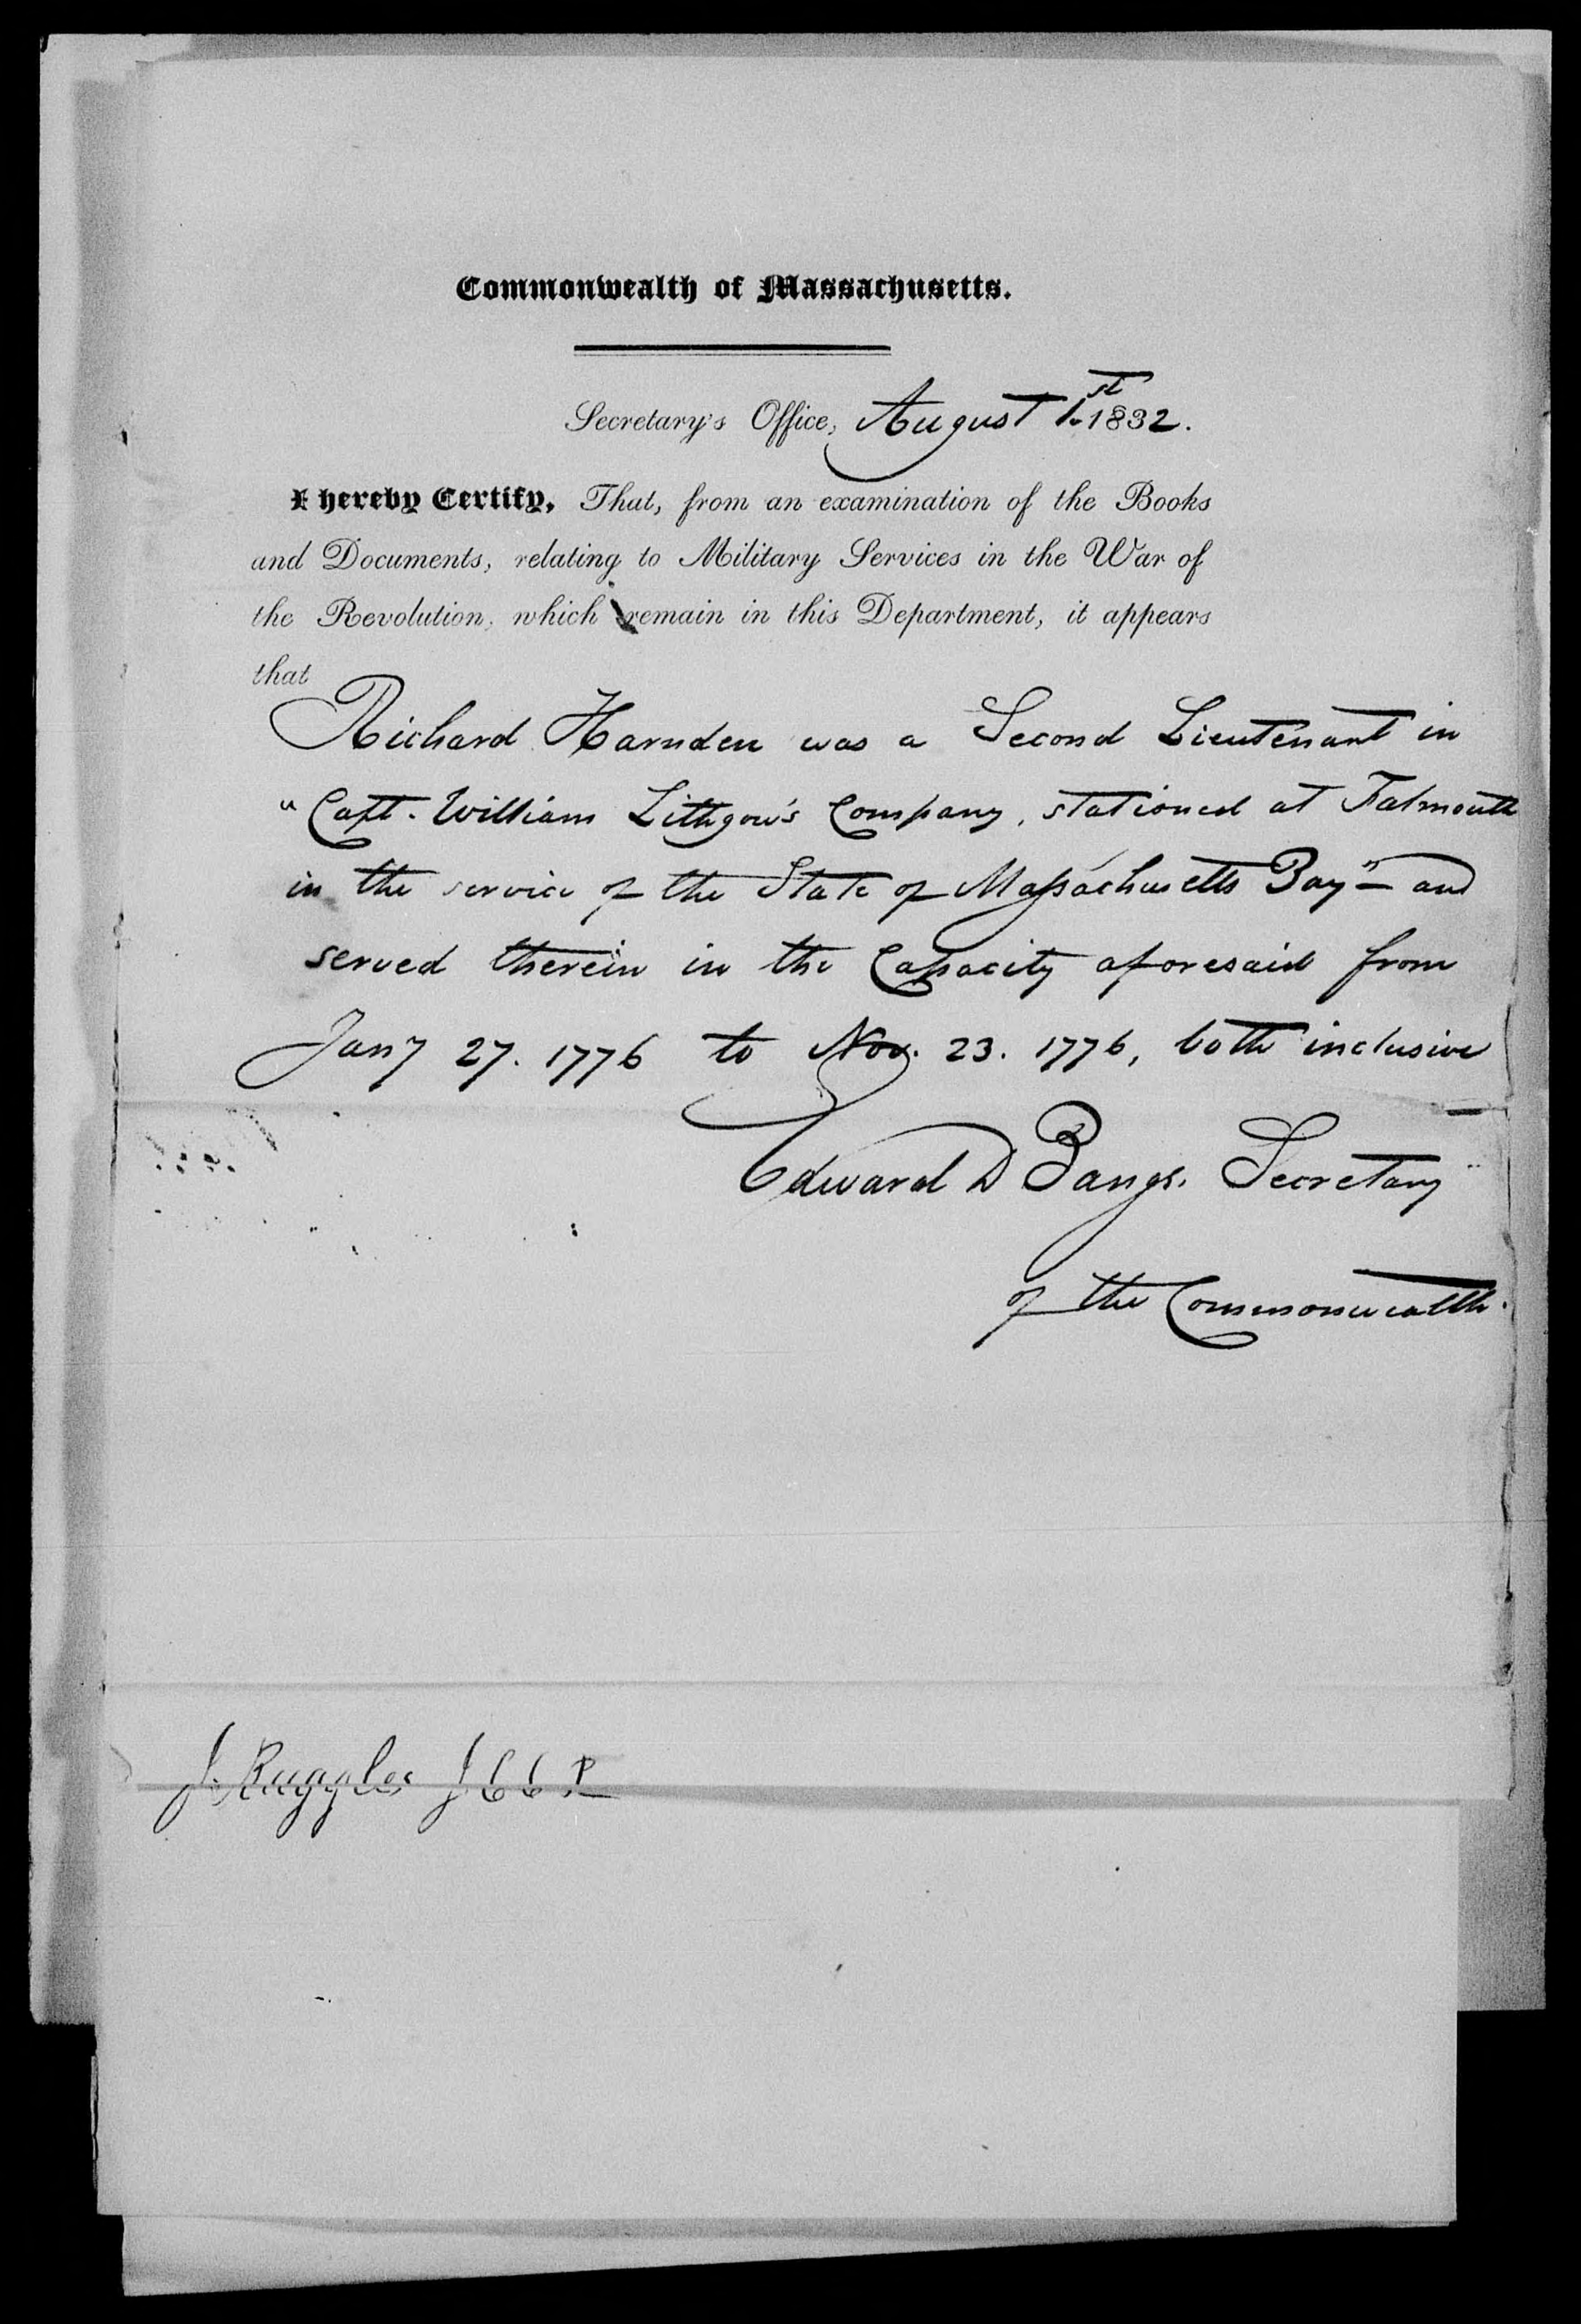Commonwealth of Massachusetts
Secretary's Office, August 1st., 1832
I hereby certify, That, from an examination of the books and Documents, relating to Military Services in the War of the Revolution, which remain in the Department, it appears that
Richard Harnden was a Second Lieutenant in Cape. William Lithgow's Company stationed at Falmouth in the State of Massachusetts Bay and served therein in the capacity aforesaid from Jan'y 27. 1776 to Nov. 23. 1776, both inclusive
Edward Bangs, Secretary of the Commonwealth
J. Ruggles [illegible four letters]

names: J Ruggles, Richard Harnden, Edward D Bangs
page: 8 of 10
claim: survivor's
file: S. 29,195, Richard Harnden, Mass.